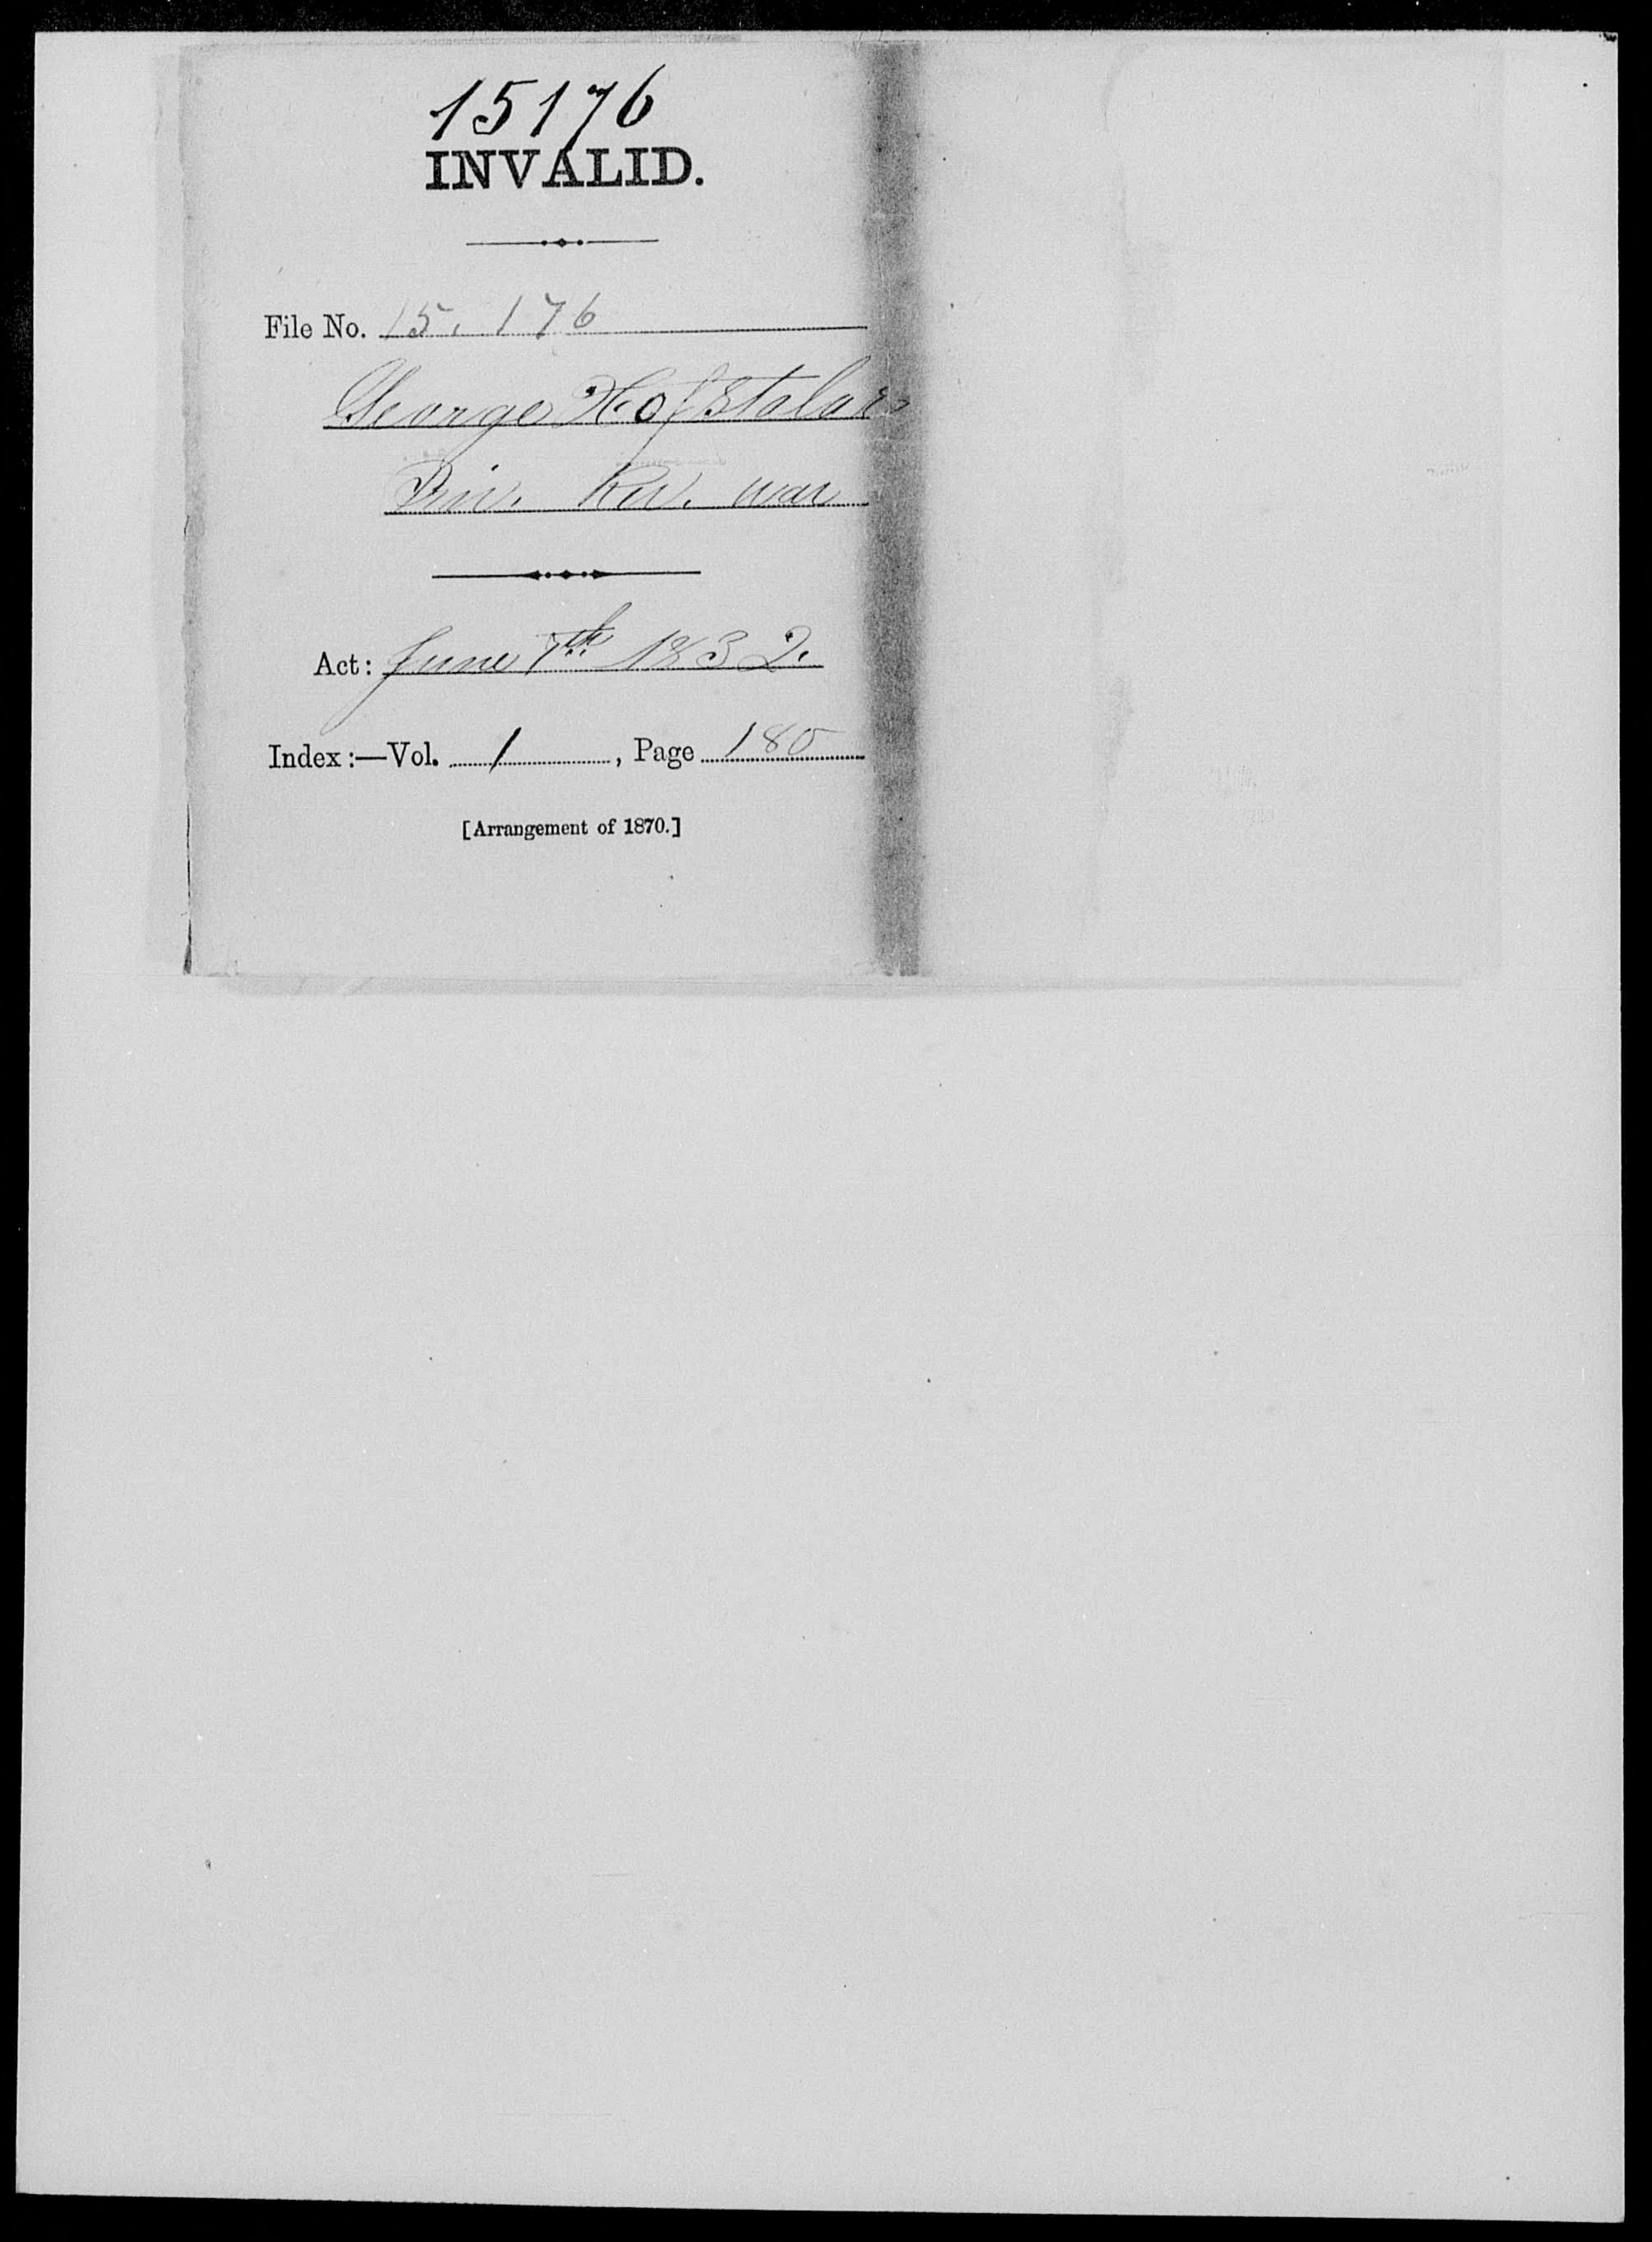15176
INVALID.
File No. 15,176
George Hofstalar
Div. Rev. War
---
Act: June 7th 1832.
Index: --Vol. 1, Page 180
[Arrangement of 1870.]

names: George Hofstalar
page: 14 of 18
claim: survivor's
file: S. 15176, George Hofstalar, N.C.